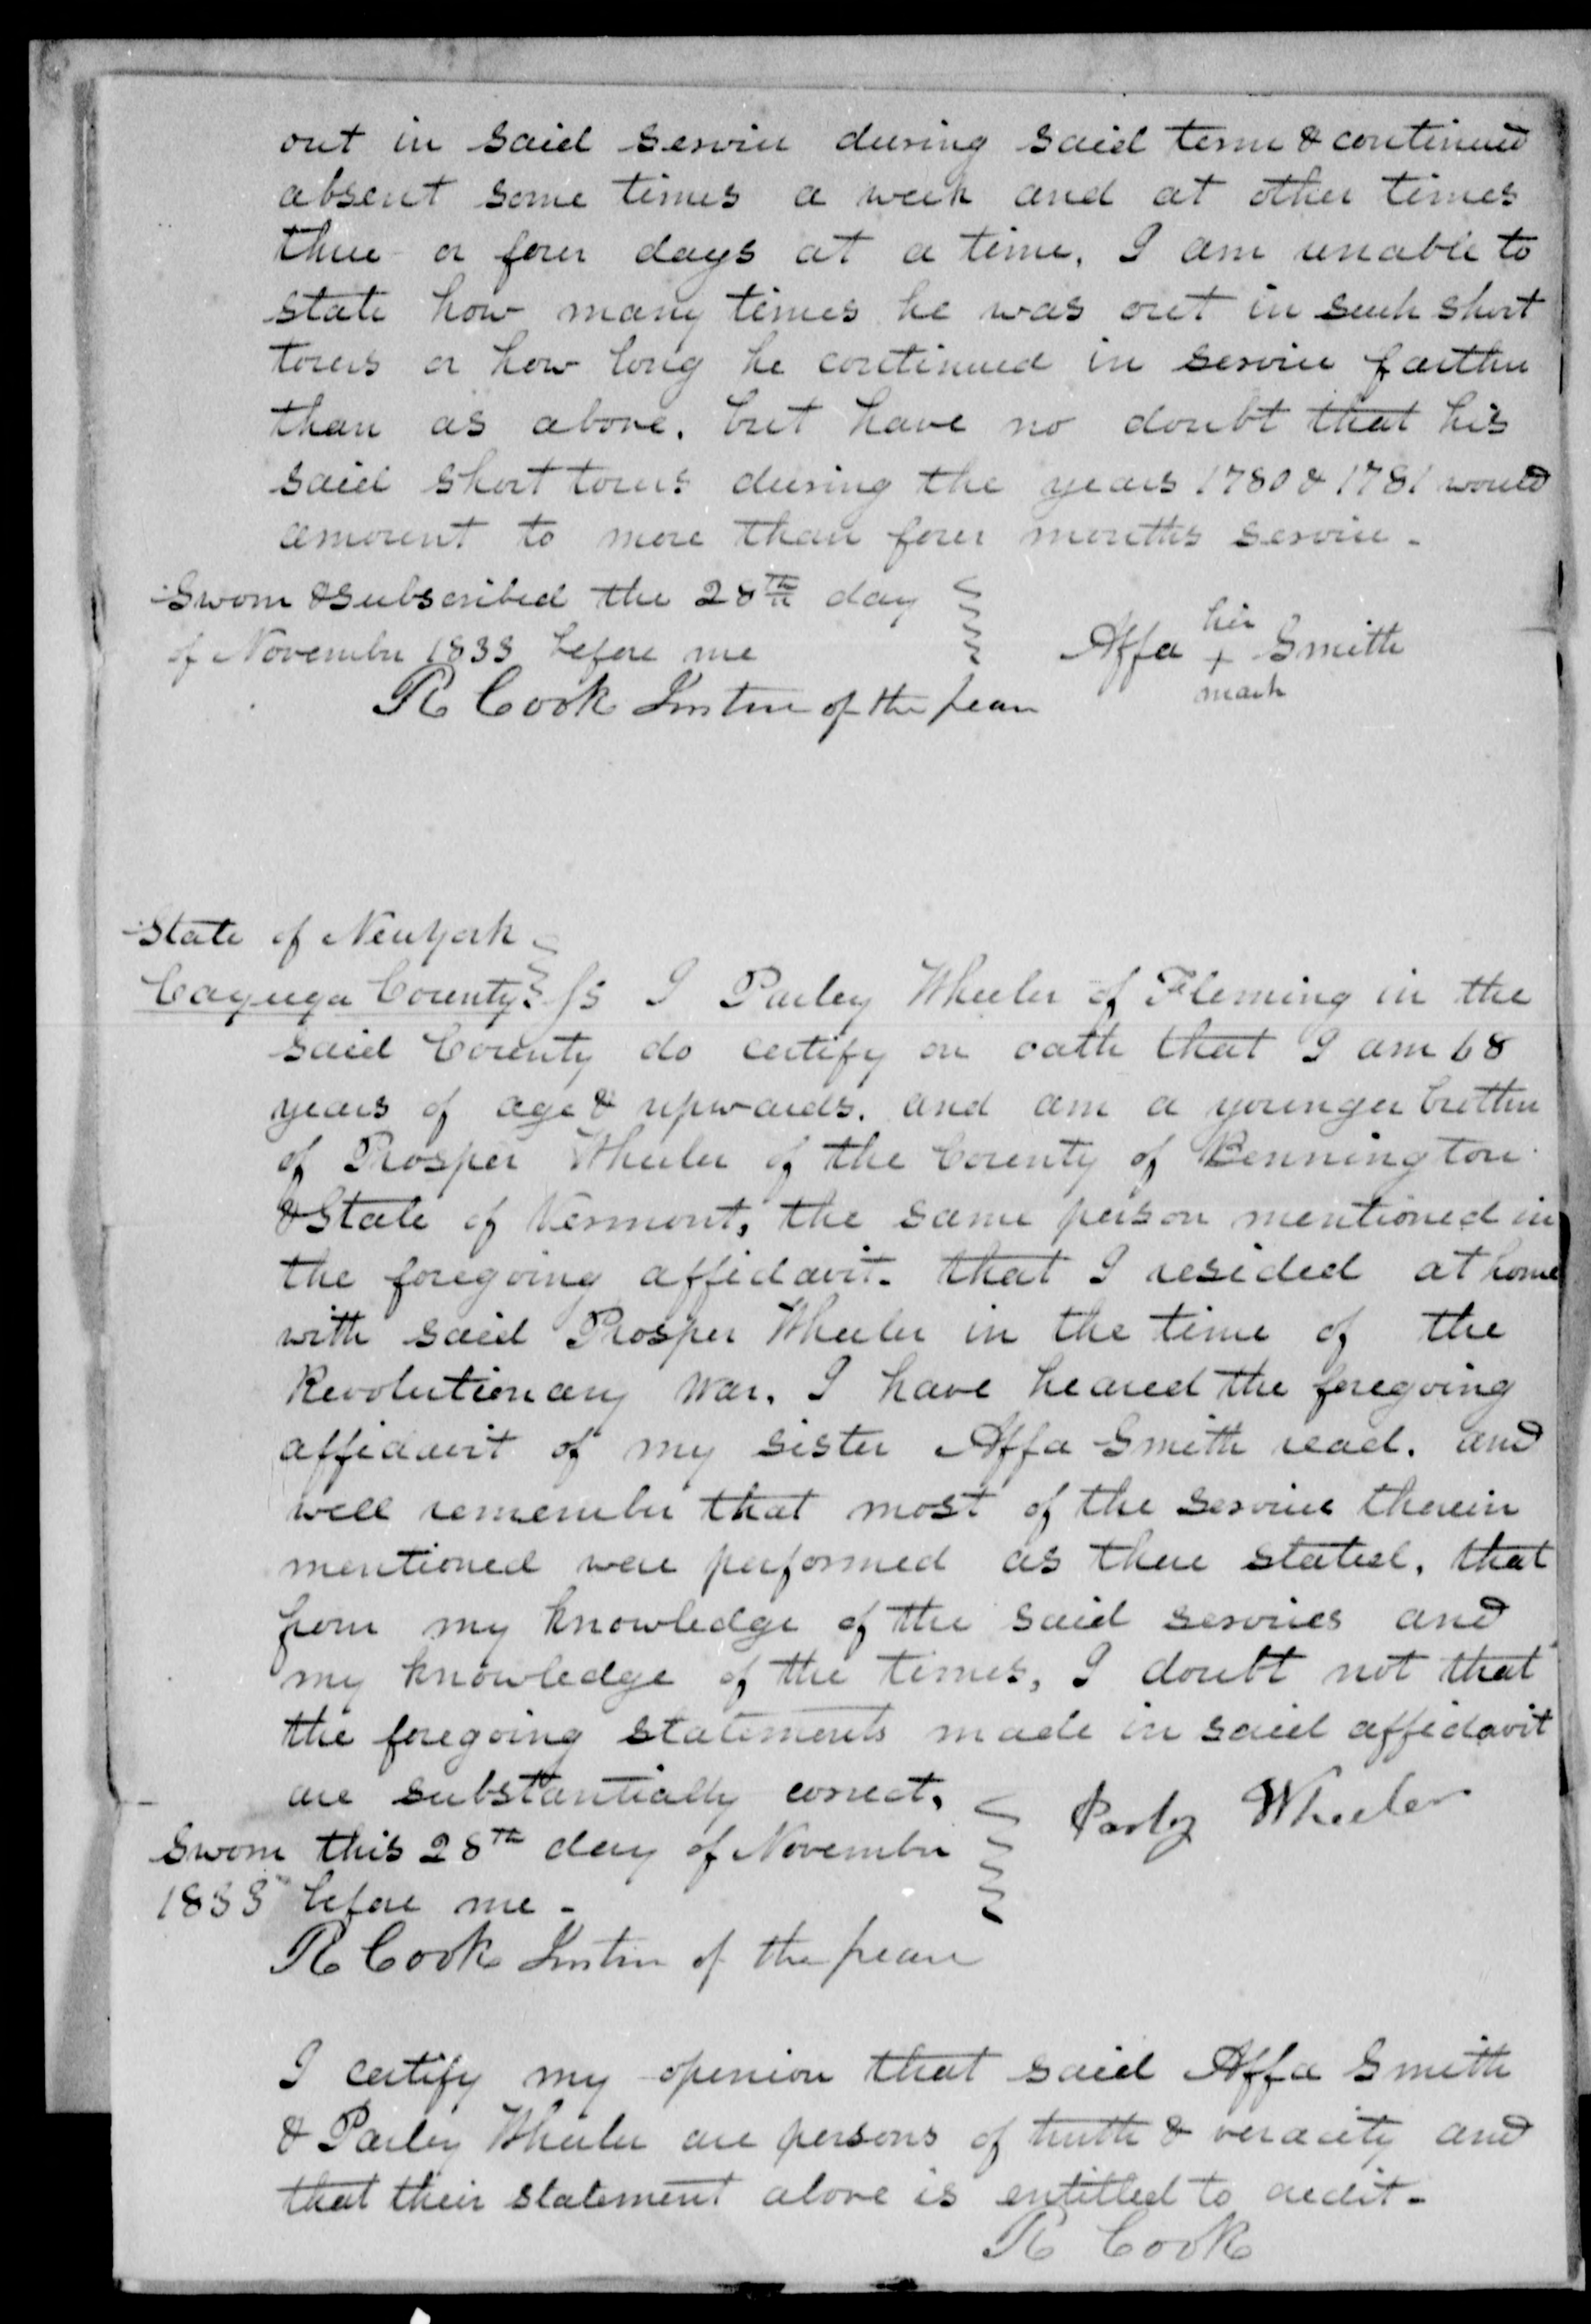out in said service during said term & continued absent some times a week and at other times three or four days at a time. I am unable to state how many times he was out in such short tours or how long he continued in service further than as above, but have no doubt that his said Short tours during the years 1780 & 1781 would amount to more than four months service.

[right] his
[right] Affa X Smith [X being his mark in lieu of signature]
[right] mark

Sworn & subscribed the 28th day of November 1833 before me.
[signature] R Cook Justice of the peace

State of New York
Cayuga County } ss
I Pailey Wheeler of Fleming in the said County do certify on oath that I am 68 years of age & upwards, and am a younger brother of Prosper Wheeler of the County of Bennington & State of Vermont, the same person mentioned in the foregoing affidavi.t that I resided at home with said Prosper Wheeler in the time of the Revolutionary War. I have heard the foregoing affidavit of my sister Affa Smith read, and well remember that most of the services therein mentioned were performed as there stated, that
from my knowledge of the said services and my knowledge of the times, I doubt not that the foregoing statements made in said affidavit are substantially correct.
[signature] Paily Wheeler

Sworn this 28th day of November 1833 before me.
[signature] R Cook Justice of the peace

I certify my opinion that said Affa Smith & Pailey Wheeler are persons of truth & veracity and that their statement above is entitled to credit.
[signature] R Cook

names: R Cook, Prosper Wheeler, Parley Wheeler, Affa Smith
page: 12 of 29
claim: widow's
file: W. 22604, Prosper Wheeler, Conn.